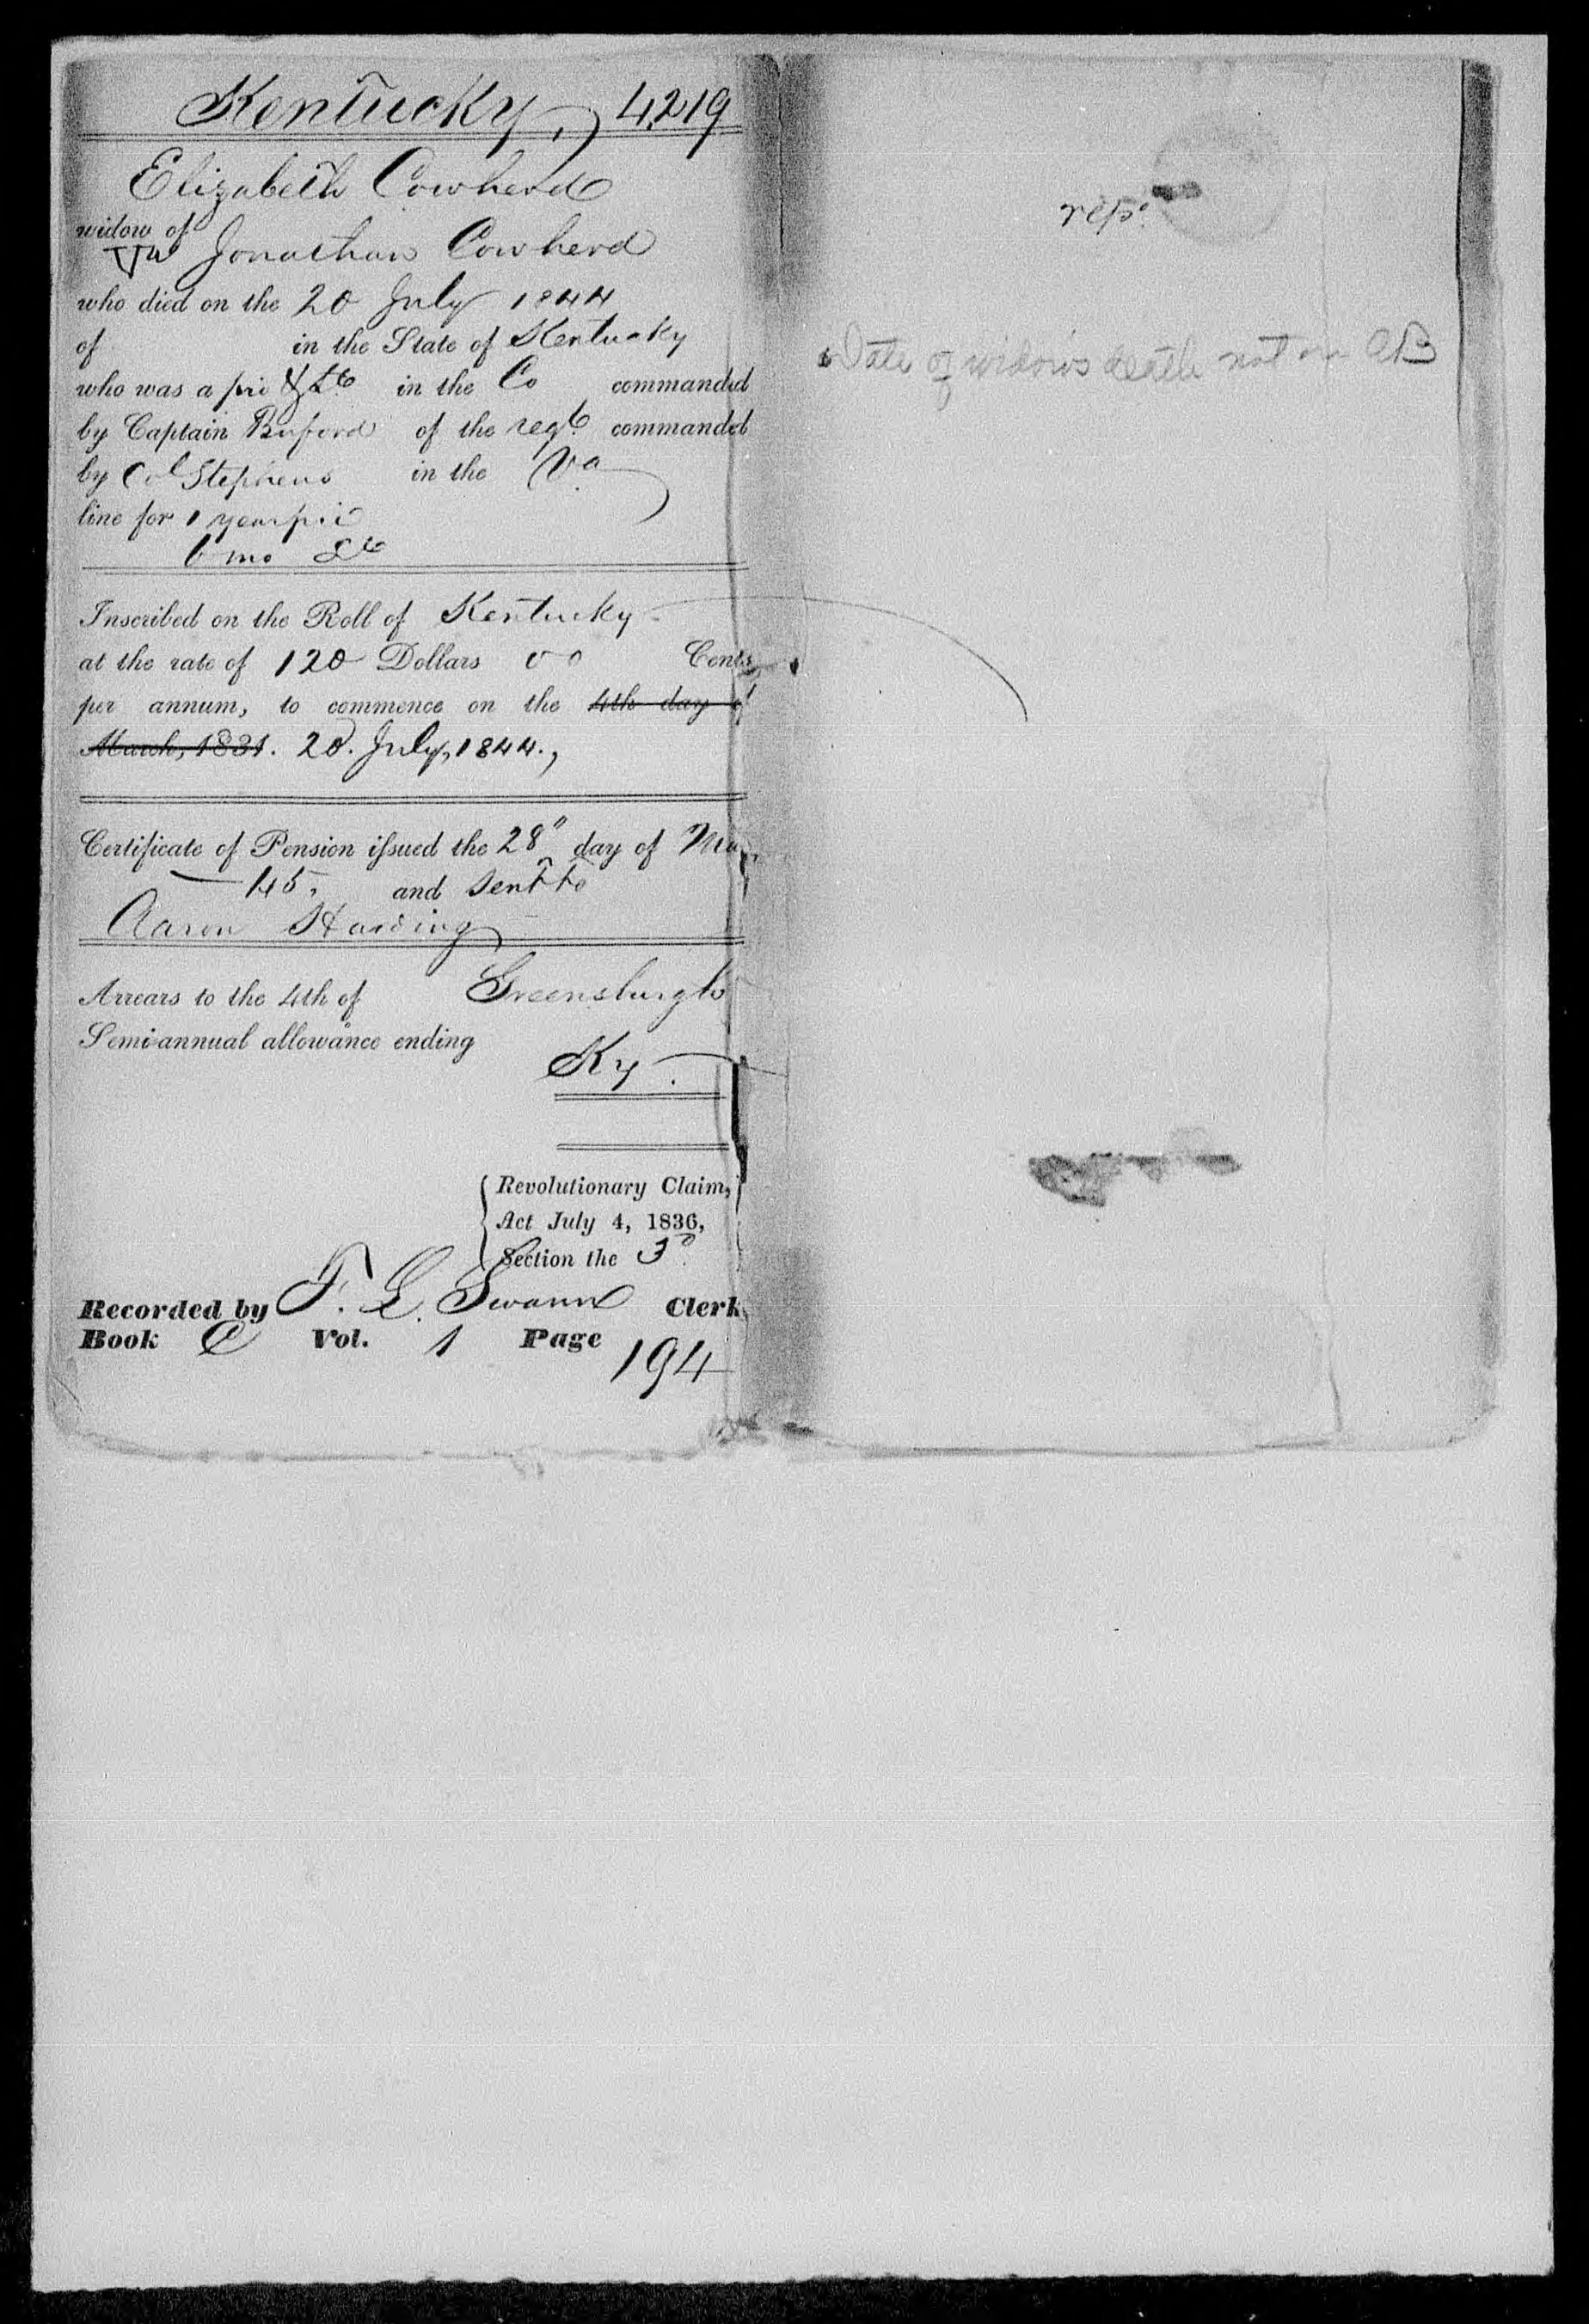Kentucky, 4219
Elizabeth Cowherd
widow of Jonathan Cowherd
who died on the 20 July 1844
of (blank) in the State of Kentucky
who was a  private in the Co   commanded
by Captain Buford of the regle commanded
by Col Stephens in the Va
line for 1 year 
___________________________________________
Inscribed on the Roll of Kentucky 
at the rate of 120 Dollars 00 Cents
per annum, to commence  ( crossed out 4th day
March, 1843). 20 July, 1844,
_____________________________________________
Certificate of Pension issued the 28th day of Nov
15 and sent to 
Aaron Harding
_________________________________________________
Arrears to the 4th of  Greensburg 
Semi-annual allowance ending 
                                                            Ky
                                                    ______________
             {Revoluntionary Claim    }
             {Act July 4, 1836,               }
             {Section the 3                     }

Recorded by F. L. Swann, Clerk
Book C   Vol. 1   Page 194

Page 2 of fold

Date of widow's death not  in AB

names: F L Swann, Aaron Harding, Stephens, Buford, Elizabeth Cowherd, Jonathan Cowherd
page: 3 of 46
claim: widow's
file: W 8619, Jonathan Cowherd, Va.